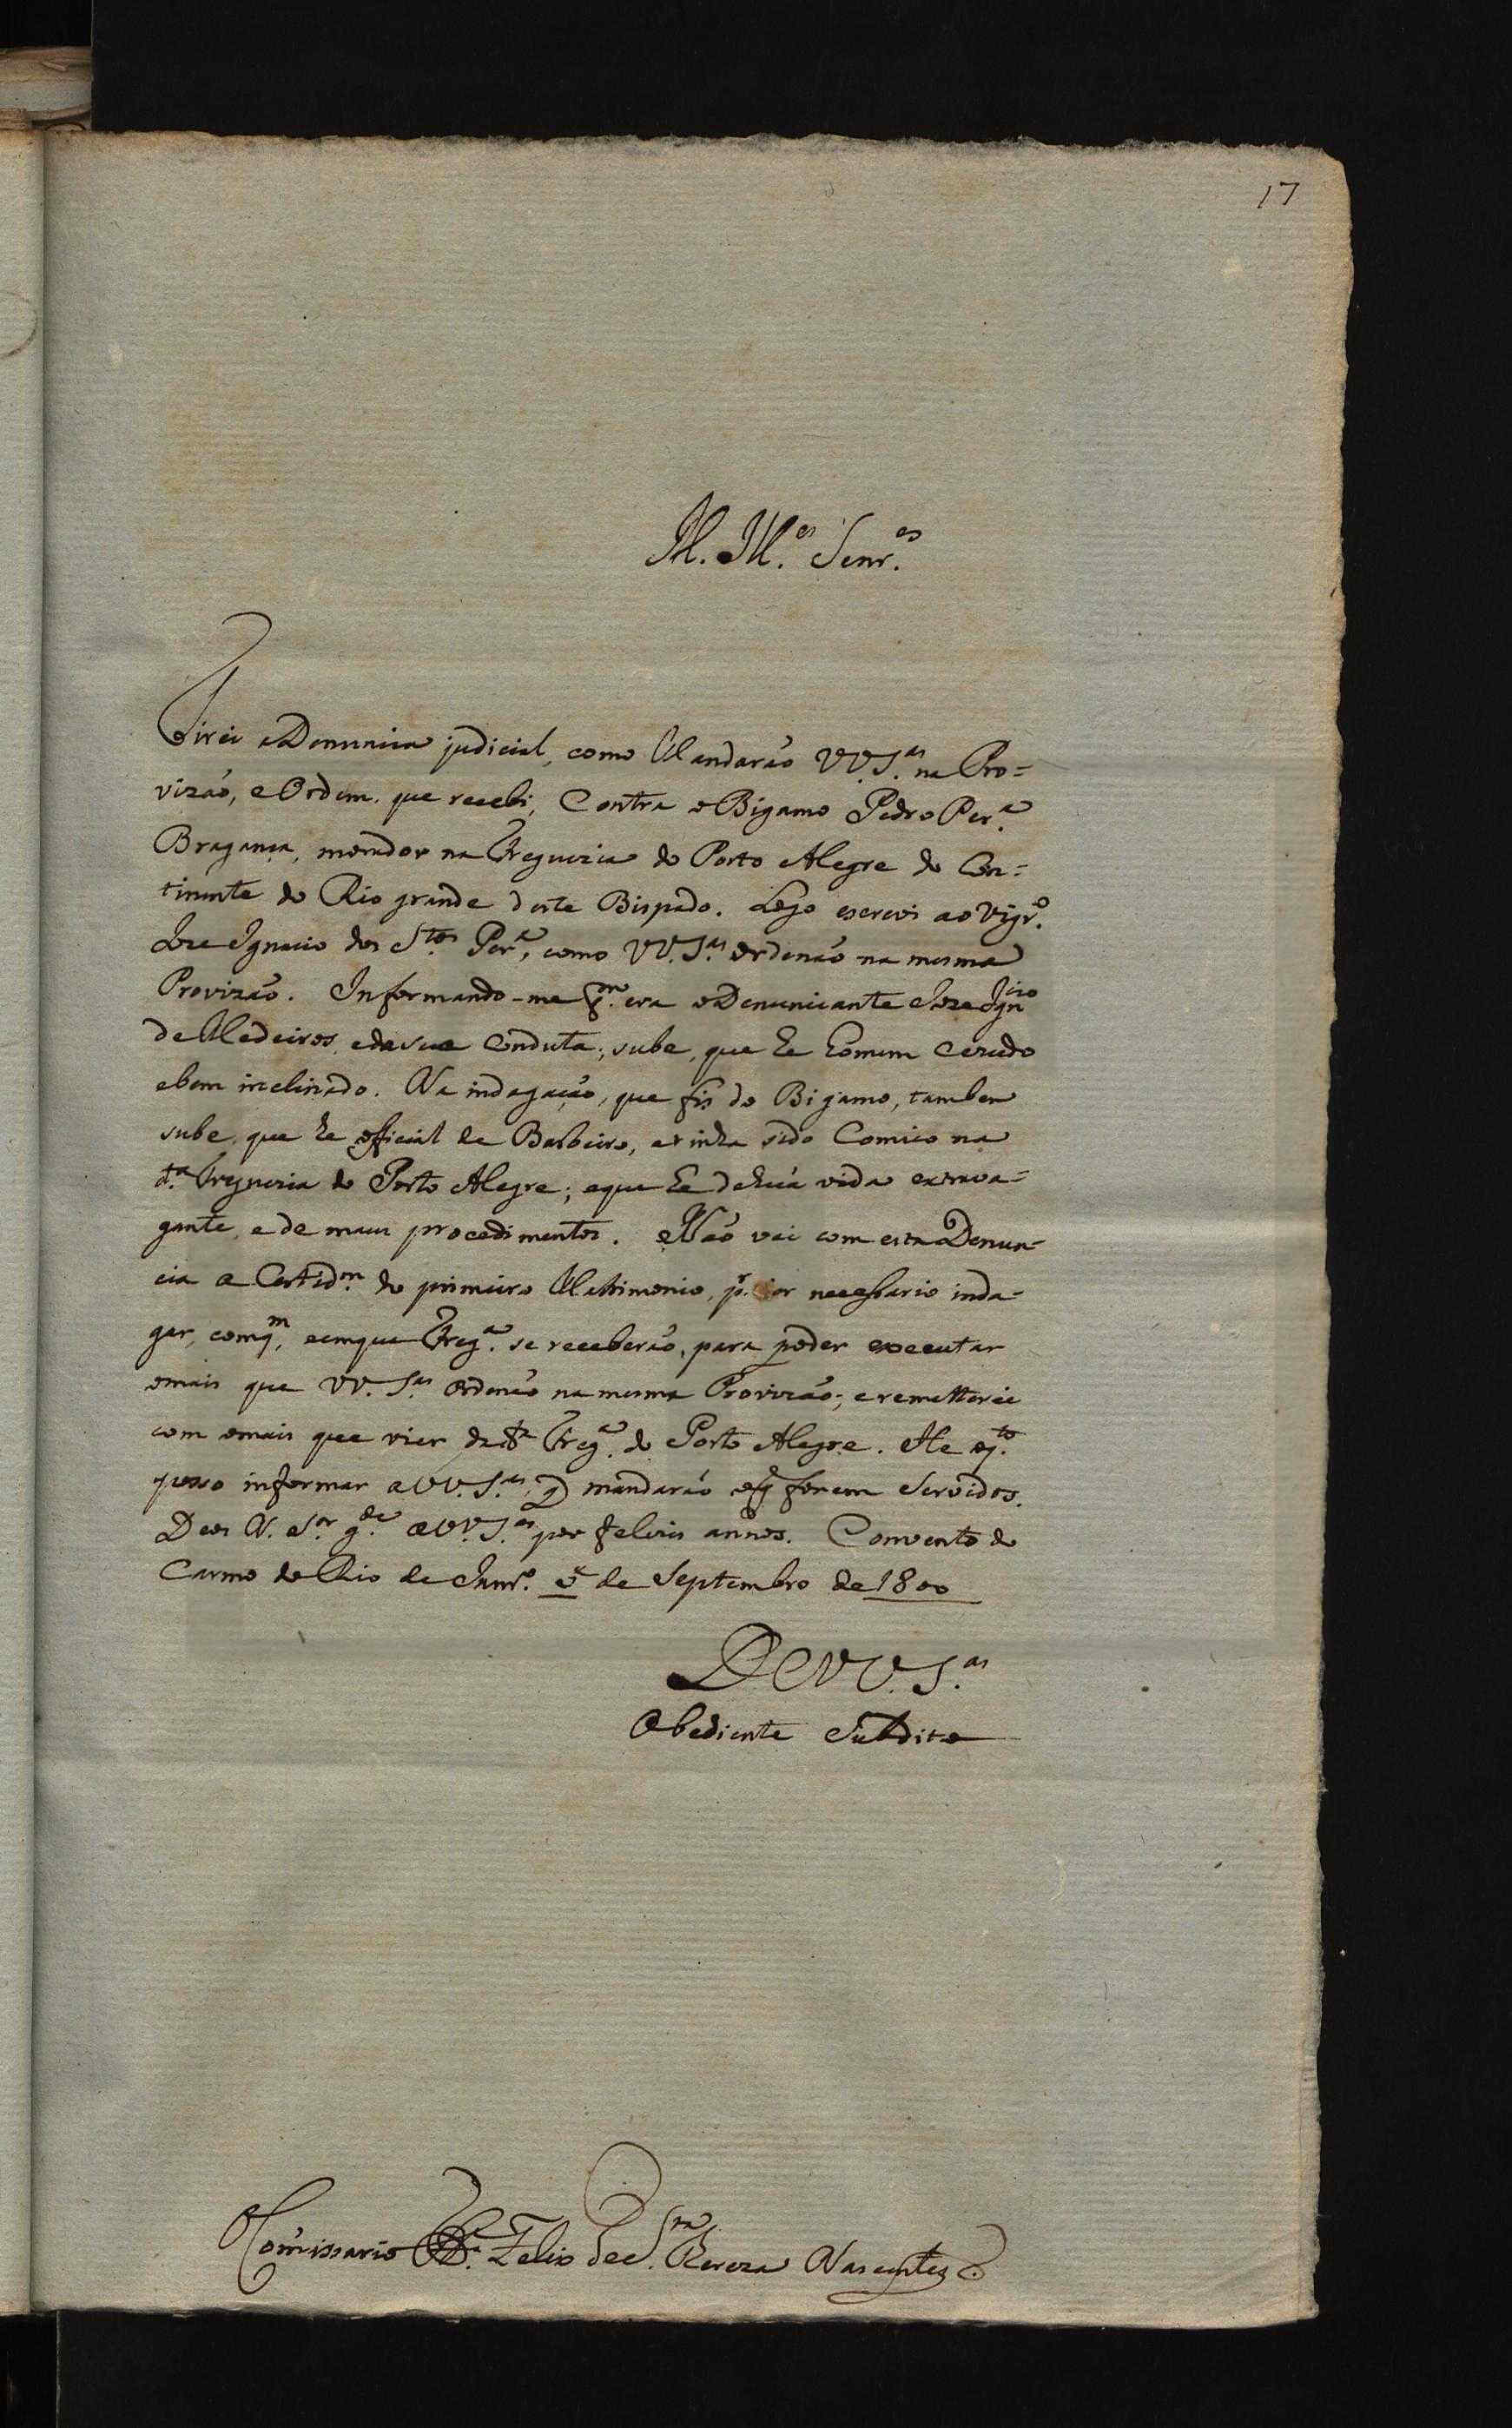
Tirei e Denuncia judicial, como Mandarão V V. S.as na Pro
vizaõ, a Ordem que recebi; Contra o Bigamo Pedro Per.a
Bragança, morador na Freguezia do Porto Alegre do Con
tinente do Rio grande deste Bispado. Logo escrevi ao Vigr.o
Ioze Ignacio dos S.tos Per.a, como V V. S.as ordenaõ na mesma
Provizaõ. Informando-me q.m era o Denunciante Ioze Ign.cio
de Medeiros e da sua conduta; sube, que he homem cezudo
e bem inclinado. Na indagaçaõ, que fis do Bigamo, tambem
sube, que he official de Barbeiro, e tinha sido Comico na
d̄.a Freguezia do Porto Alegre; e que he de huā vida extrava
gante, e de mau procedimentos. Naõ vai com esta Denun
cia a Certid.m do primeiro Matrimonio, p.r _er necessario inda
gar, com q.m, e em que Freg.a se receberaõ, para poder executar
o mais que V V. S.as ordenaõ na mesma Provizaõ; e remetterei
com o mais que vier da d̄a Freg.a do Porto Alegre. He o q.to
posso informar a V V. S.as q̄ mandaraõ e q̄ forem servidos.
Deos N. S.or g.de a V V. S.as por felezis annos. Convento do
Carmo do Rio de Ian.o 5 de Septembro de 1800
De V V. S.as
Obediente Subdito
O Com̄issario Po Felix de S.ta Thereza Nascentes.
